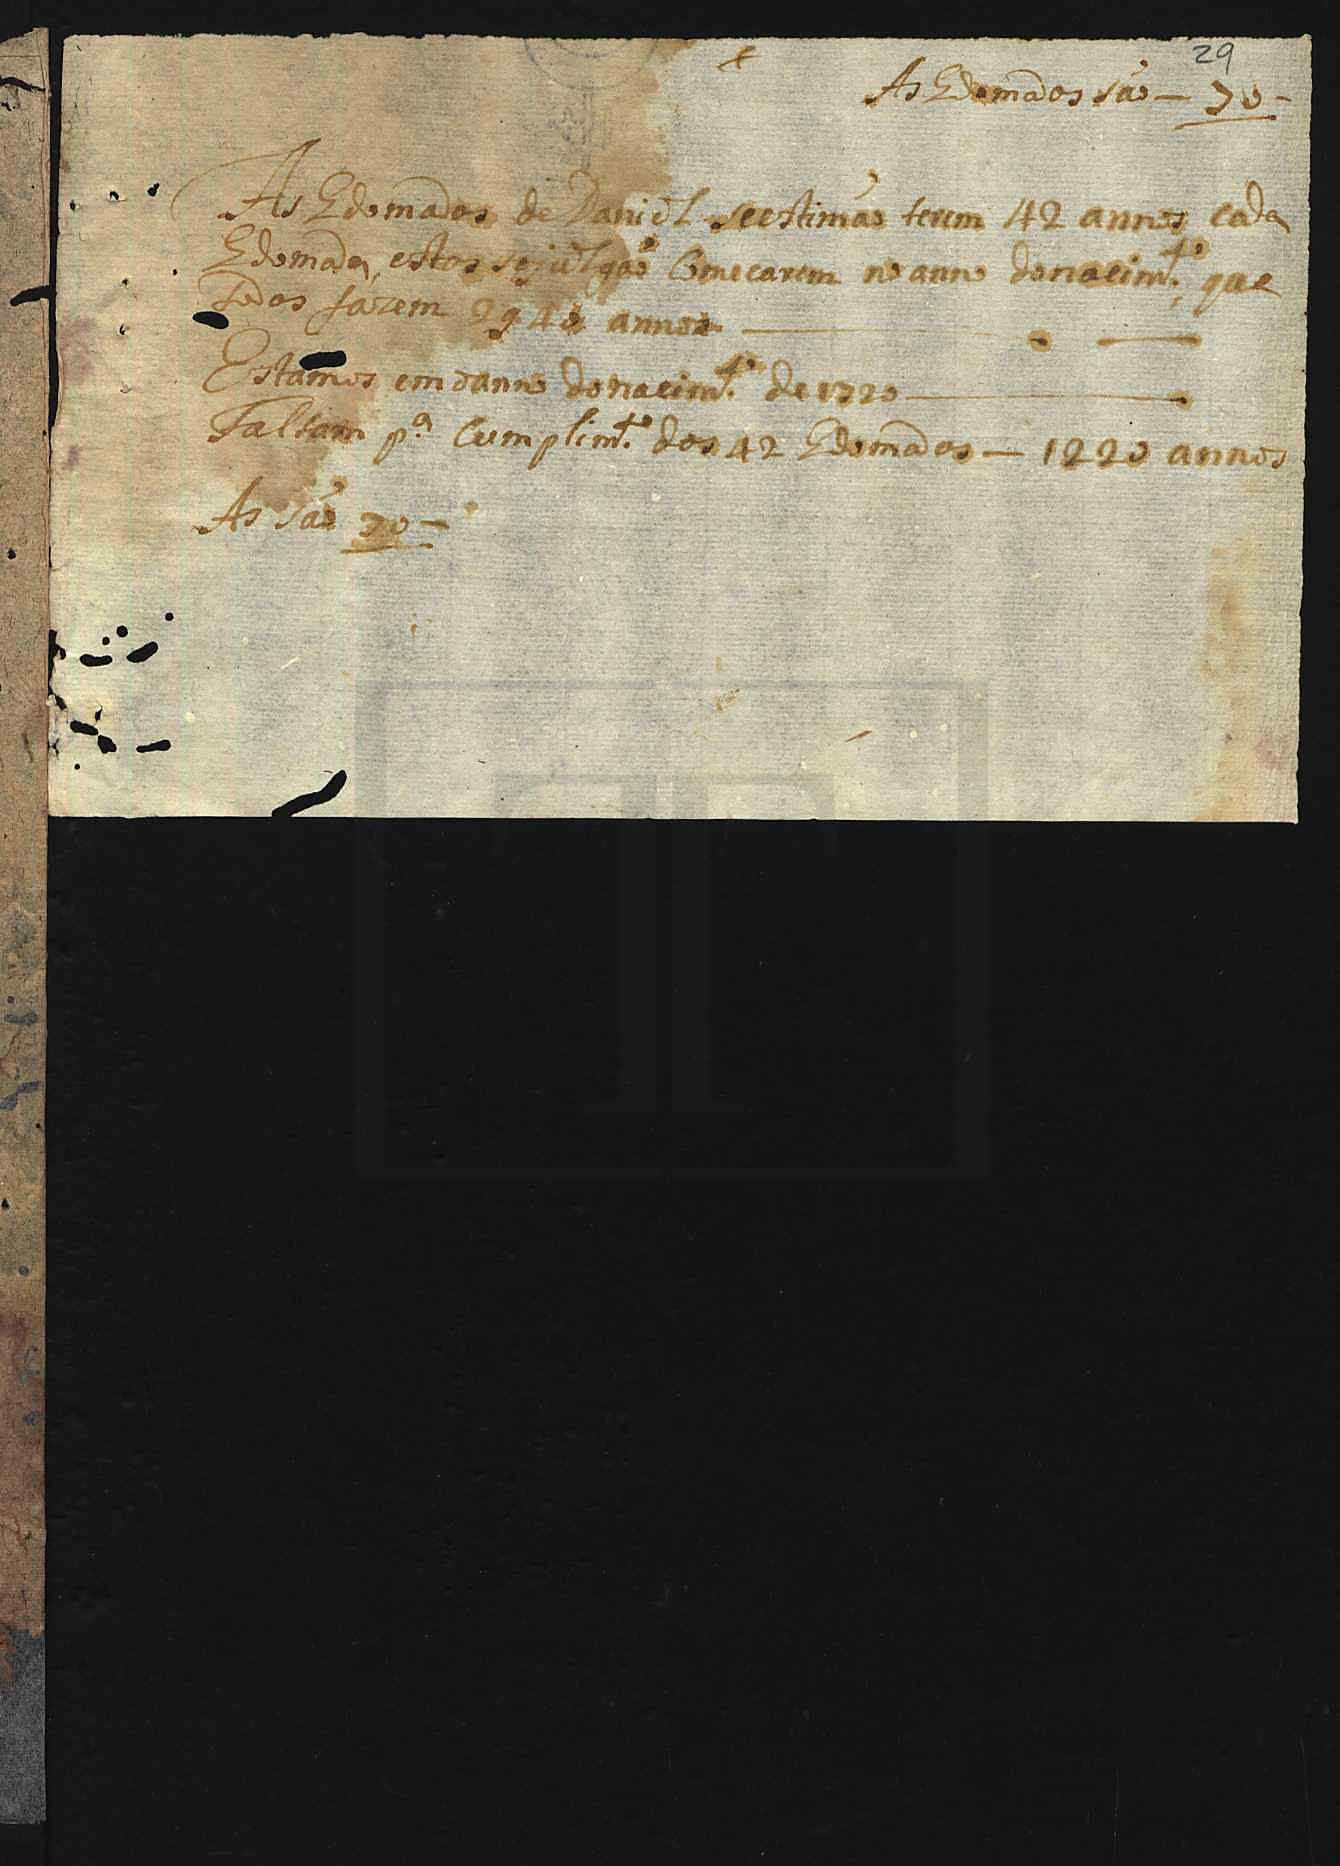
As Edomadas são -70
As Edomadas de Daniel se estimão terem 42 annos cada
Edomada, estos se julgaõ Comecarem no anno do nacim.to, que
todos fazem 2940, annos
Estamos em o anno do nacim.to de 1720
Faltam p.a Cumplim.to dos 42 Edomadas - 1220 annos
As são 70
